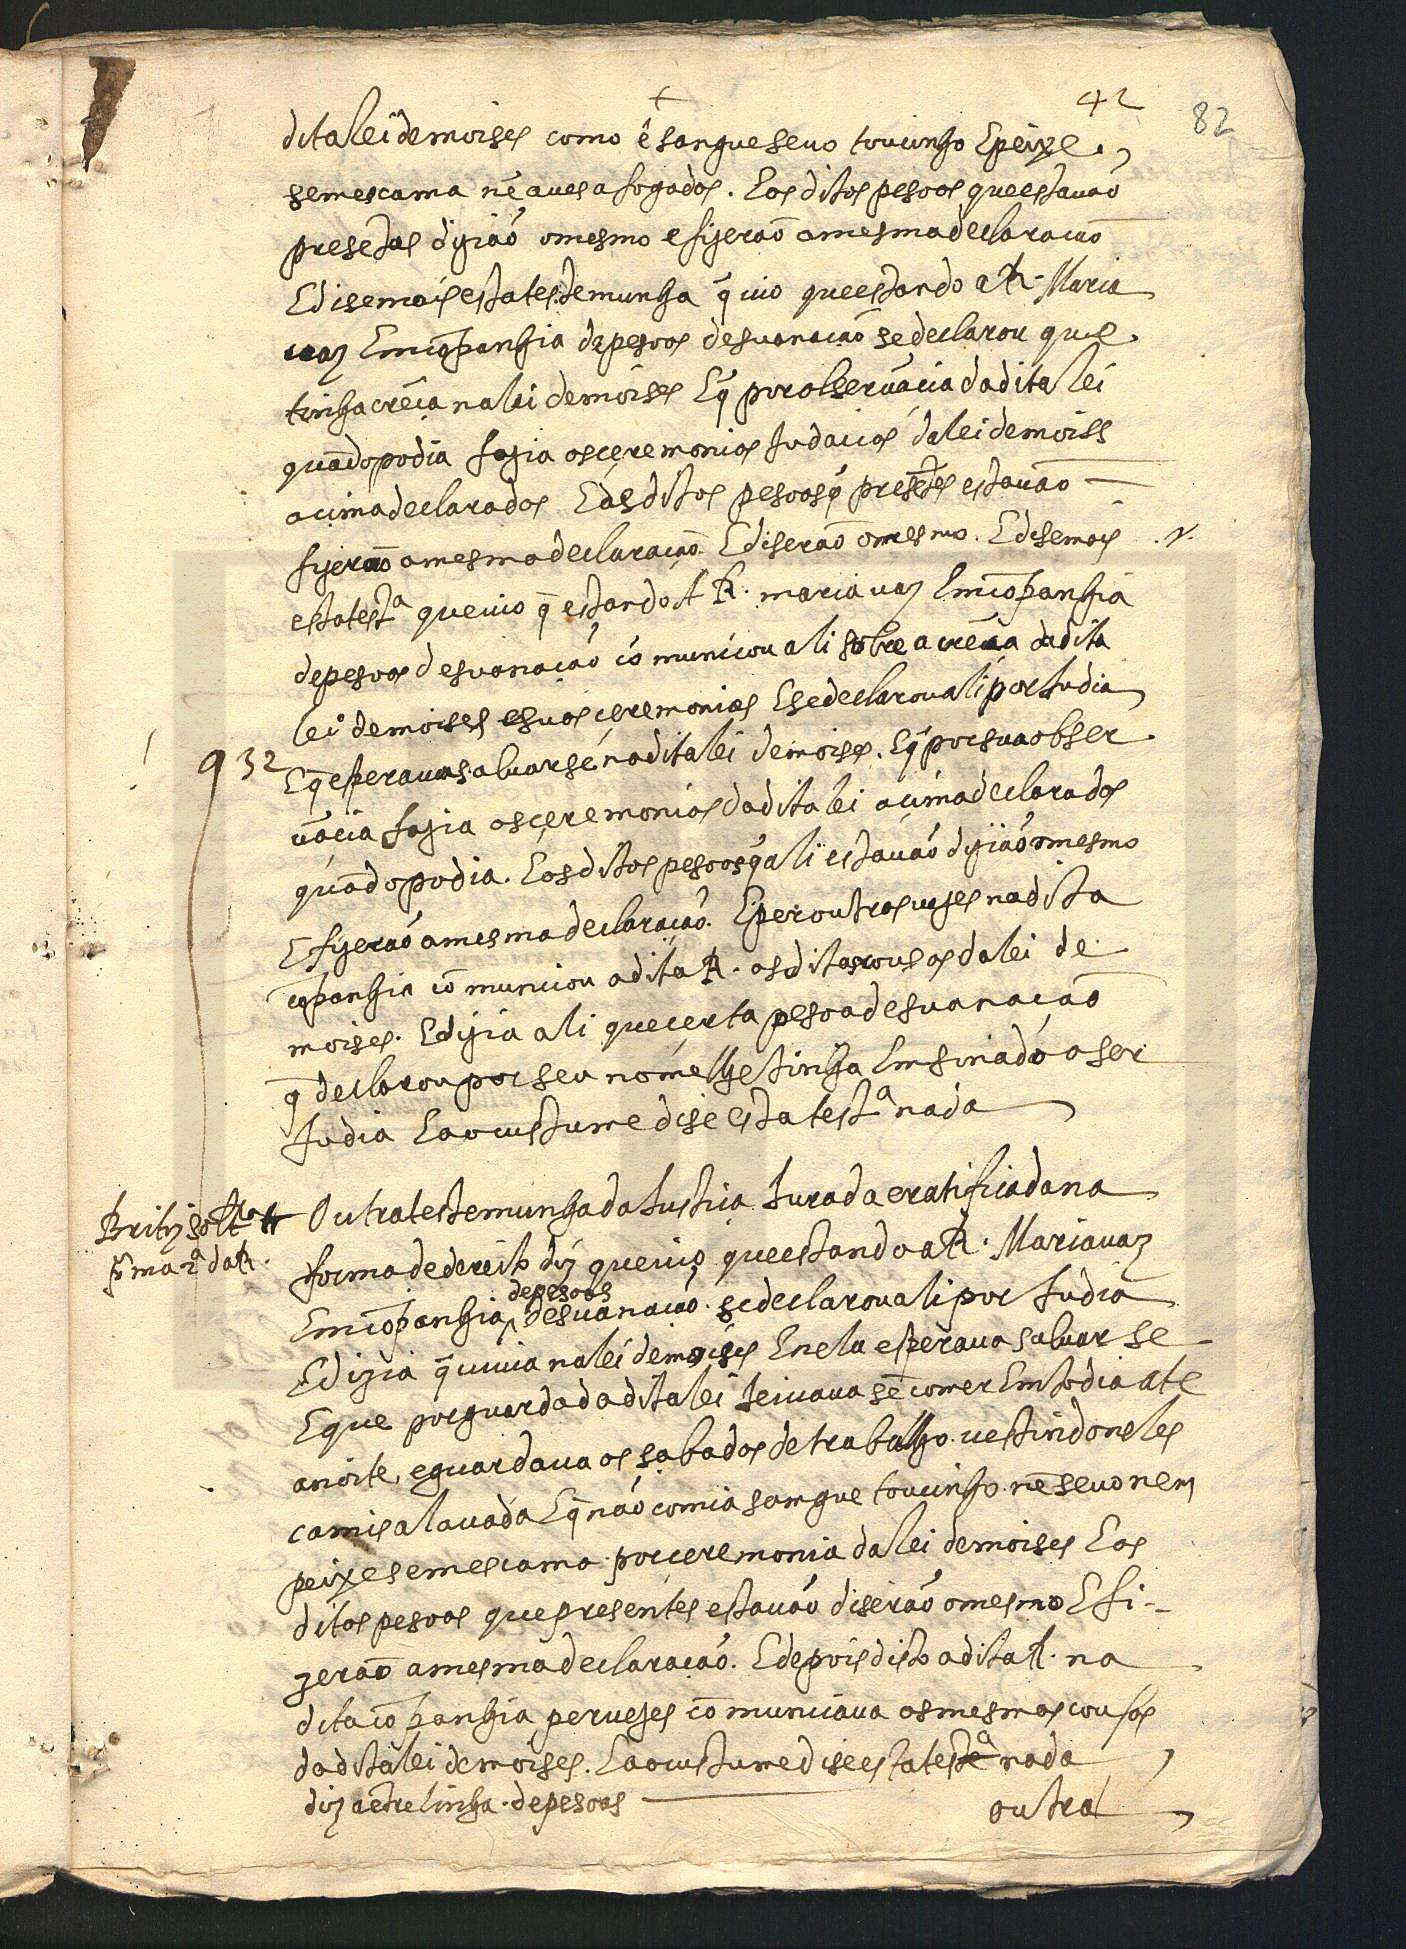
dita lei de moises como ê sangue seuo toucinho E peixe
sem escama nē aues afogadas. E as ditas pesoas que estauaõ
presētes diziaõ o mesmo e fizeraõ a mesma declaracaõ
E dise mais esta testemunha q̄ uio que estando a R. Maria
uaz Em cōpanhia de pesoas de sua nacaõ se declarou que
tinha crēça na lei de moises E q̄ por obseruāçia da dita lei
quādo podia fazia as çeremonias Judaicas da lei de moises
açima declaradas E as ditas pesoas q̄ presētes estauaõ
fizeraõ a mesma declaraçaõ E diseraõ o mesmo. E dise mais
esta testa que uio q̄ estando A R. maria uaz Em c̄opanhia
de pesoas de sua naçaõ cōmunicou ali sobre a crēça da dita
lei de moises e suas çeremonias E se declarou ali por Iudia
E q̄ esperaua saluarse na dita lei de moises. E q̄ por sua obser
uāçia fazia as çeremonias da dita lei açima declaradas
quādo podia. E as ditas pesoas q̄ ali estauaõ diziaõ o mesmo
E fizeraõ a mesma declaraçaõ. E per outras ueses na dita
c̄opanhia cōmunicou a dita R. as ditas cousas da lei de
moises. E dizia ali que çerta pesoa de sua naçaõ
q̄ declarou por seu nome lhe tinha Emsinado a ser
Judia E ao custume dise esta testa nada
item Outra testemunha da Iustiça Iurada e ratificada na
forma de dereito diz que uio que estando a R. Maria uaz
Em c̄opanhia
de pesoas
de sua naçaõ. se declarou ali por Iudia
E dizia q̄ uiuia na lei de moises E nela esperaua saluarse
E que por guarda da dita lei Ieiuaua sē comer Em to dia ate
a noite, e guardaua os sabados de trabalho uestindo neles
camisa lauada E q̄ naõ comia samgue toucinho nē seuo nem
peixe sem escama. por çeremonia da lei de moises E as
ditas pesoas que presentes estauaõ diseraõ o mesmo E fi
zeraõ a mesma declaraçaõ. E depois disto a dita R. na
dita c̄opanhia per uezes cōmunicaua as mesmas cousas
da dita lei de moises. E ao custume dise esta testa nada
diz a ētrelinha. de pesoas
outra
32
Britiz soltra
p̄ma 2a da R.
